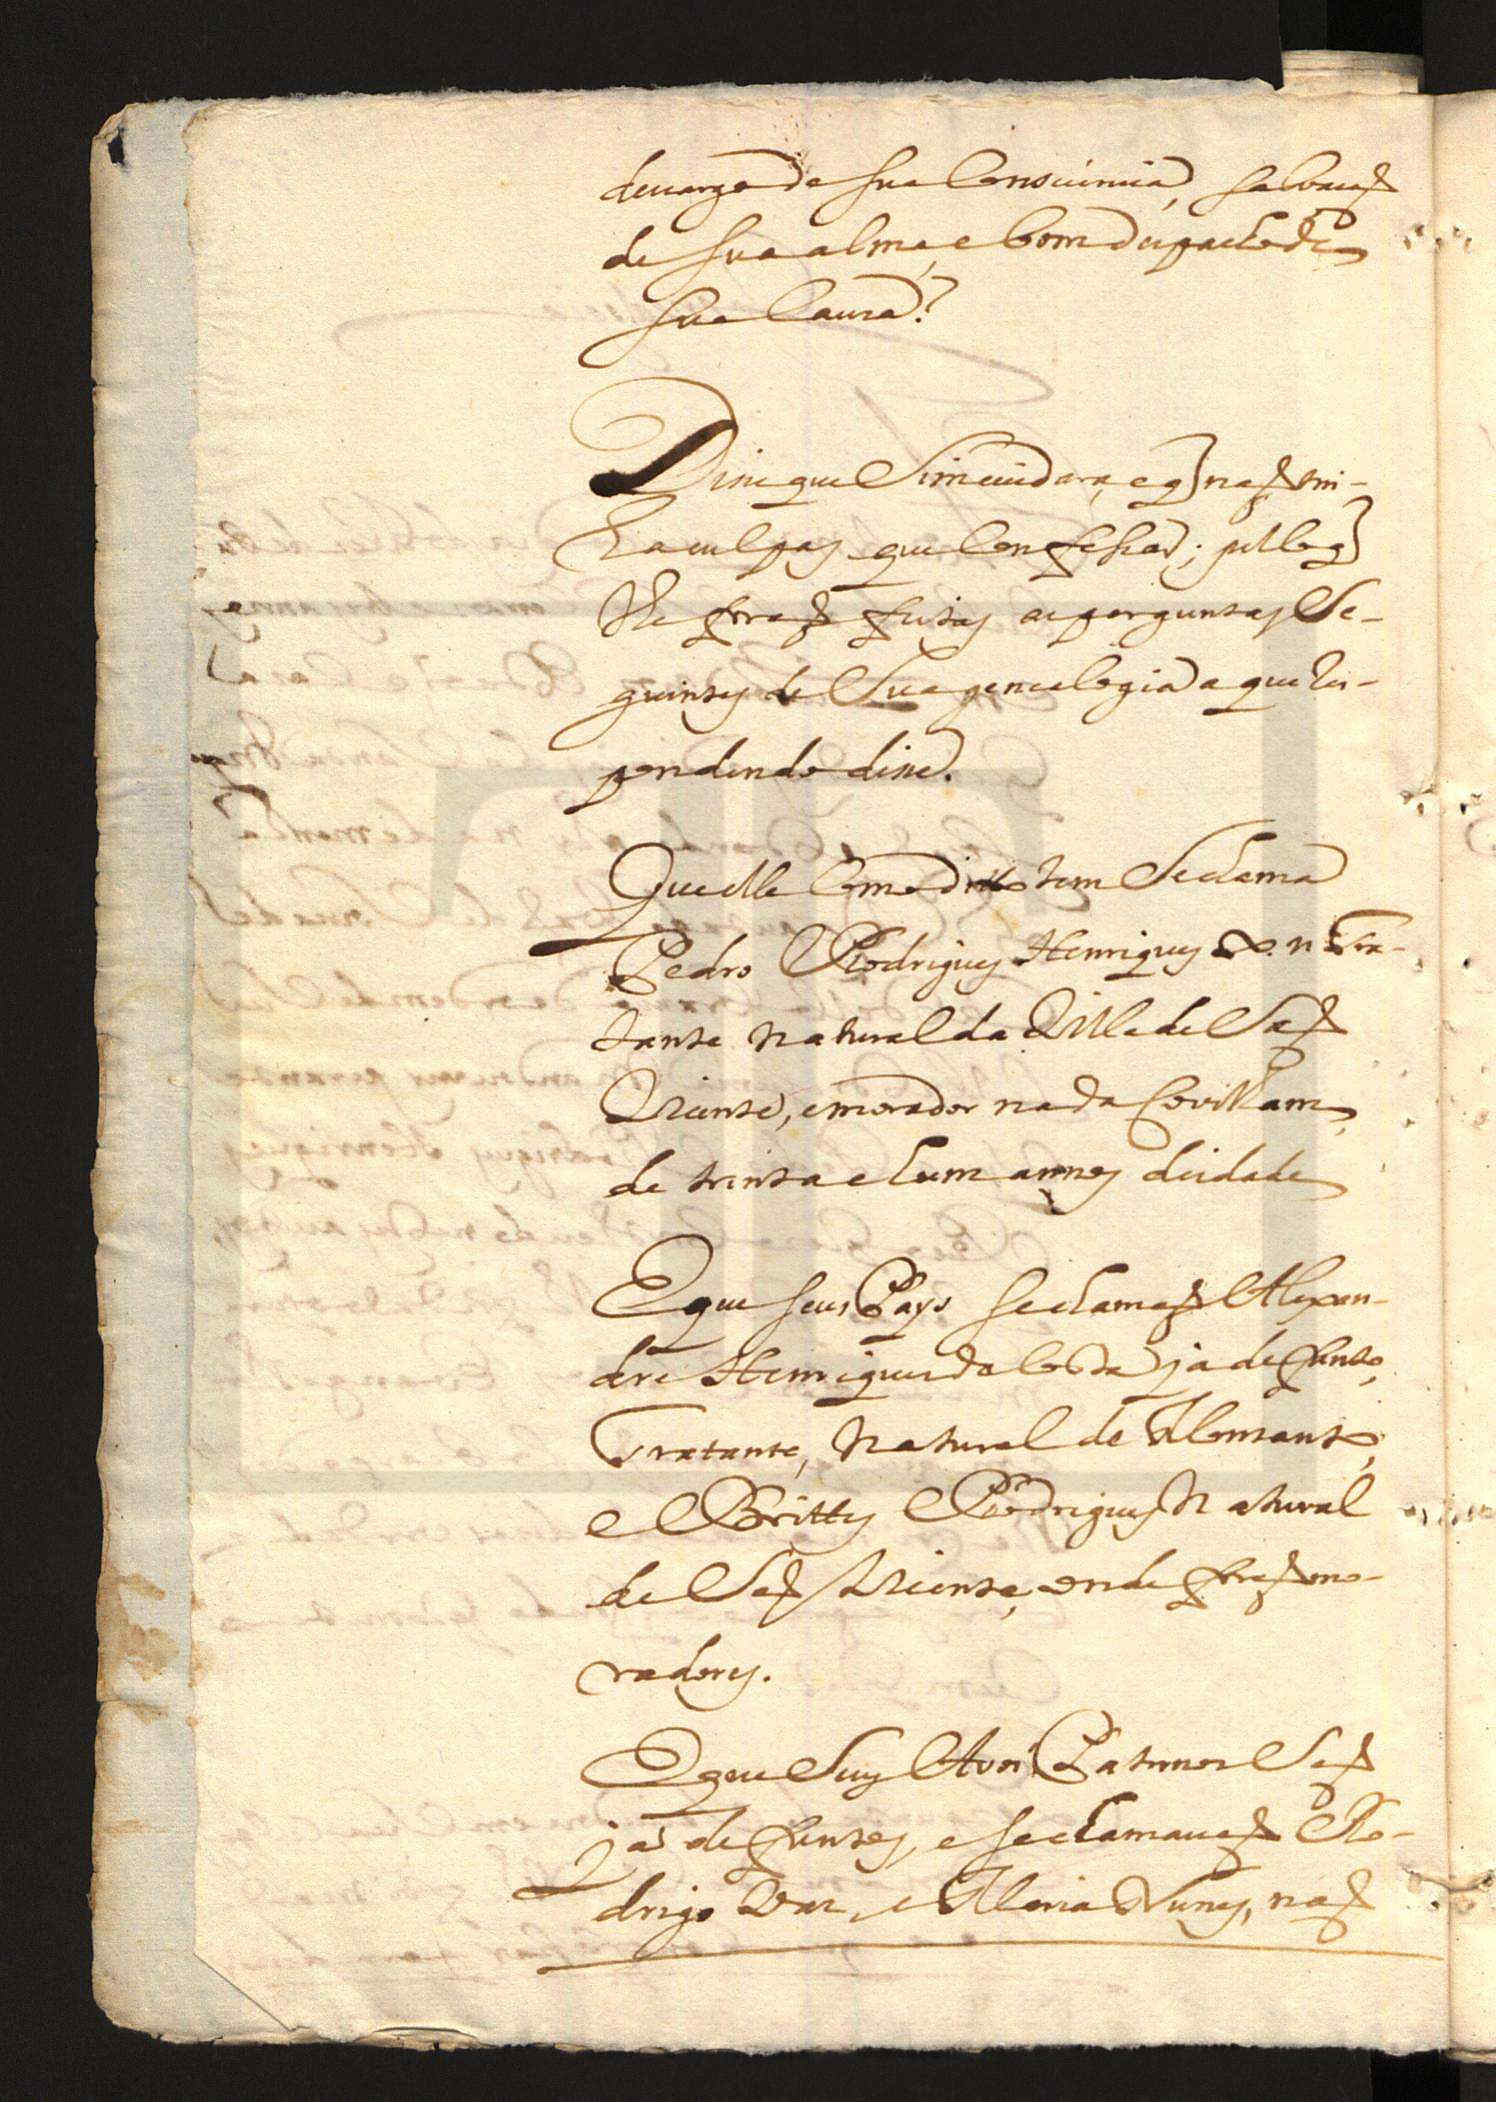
descargo de sua Consciencia, saluacaõ
de sua alma, e bom despacho de
sua Cauza?
Disse que Sim cuidara, e q̄ naõ tin
ha culpas que Confessar; pello q̄
lhe foraõ feitas as perguntas Se
guintes de Sua genealogia a que Res
pondendo disse.
Que elle Como ditto tem Se chama
Pedro Rodrigues Henriques x. n. Tra
tante natural da Villa de Saõ
Vicente, e morador na da Covilham,
de trinta e hum annos de idade
E que seus Pays se chamaõ Alexan
dre Henriques da Costa ja defunto,
Tratante, natural de Monsanto,
e Brittes Rodrigues natural
de Saõ Vicente, onde foraõ mo
radores.
E que Seus Avós Paternos Saõ
ja defuntos, e se chamauaõ Ro
drigo Vaz e Maria Nunes, naõ
